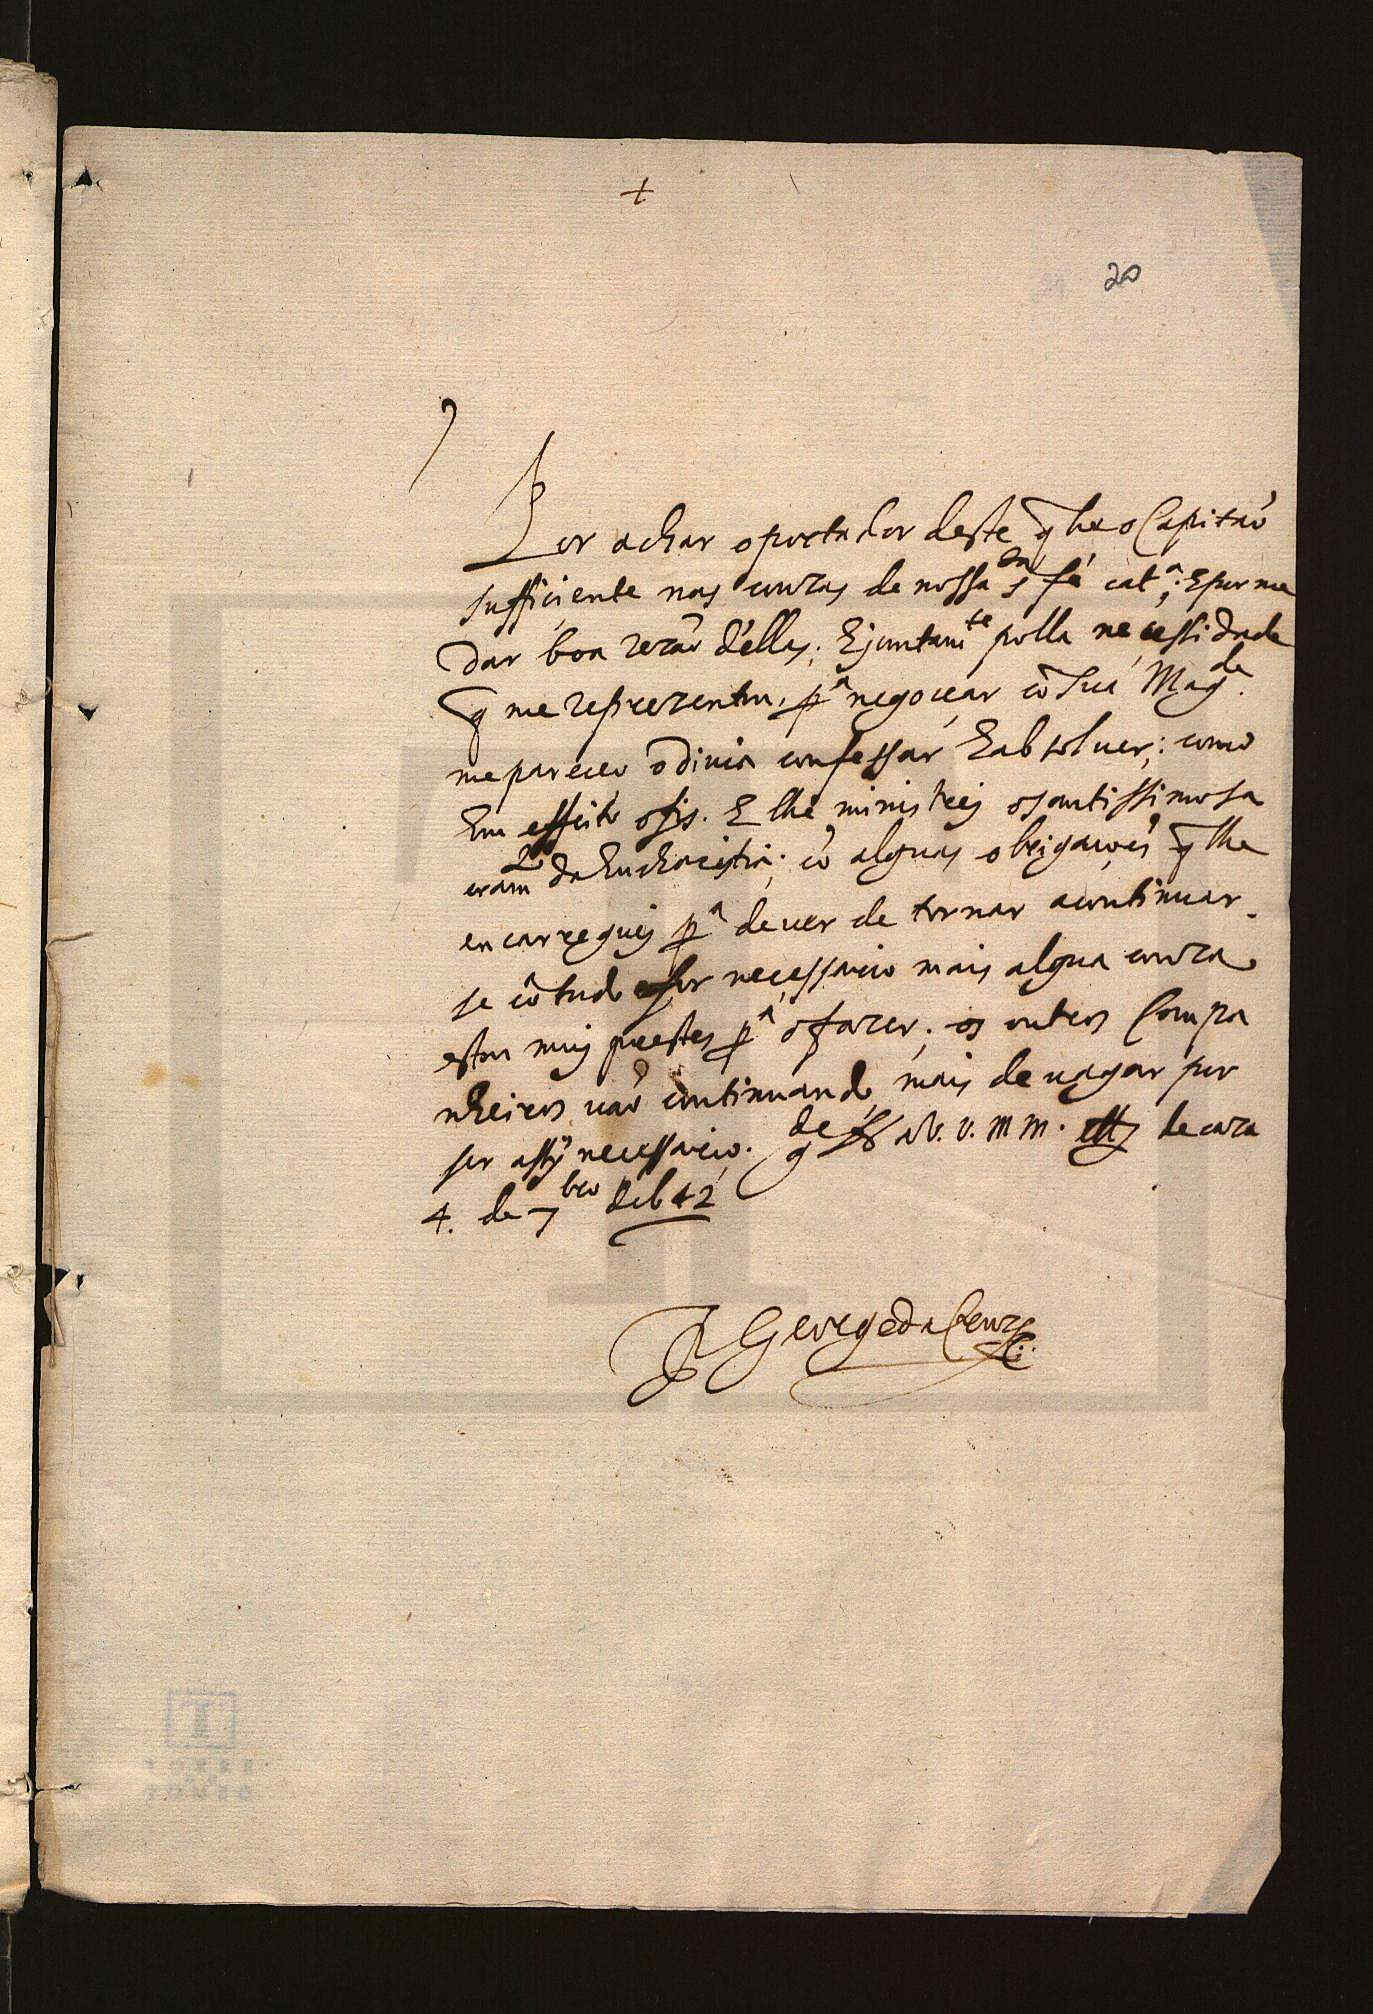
Por achar o portador deste q̄ he o Capitaõ
sufficiente nas couzas de nossa sta fé cata; E por me
dar boa rezão d'ellas; E juntamte polla necessidade
q̄ me Reprezentou, ꝑa negocear cō sua Magde.
me pareceo o diuia confessar E absoluer; como
Em effeito o fis. E lhe ministrej o santissimo sa
cramto da Eucharistia; cō alguas obrigaçoẽs q̄ lhe
encarreguej ꝑa deuer de tornar a continuar
se cōtudo o for necessario mais algua couza
estou muj prestes ꝑa o fazer; os outros Compa
nheiros uaõ continuando, mais deuagar por
ser assȳ necessario; gde Ds a V.v. mm. ettꝭ de caza
4. de 7bro de 642
fr George da Cruz
